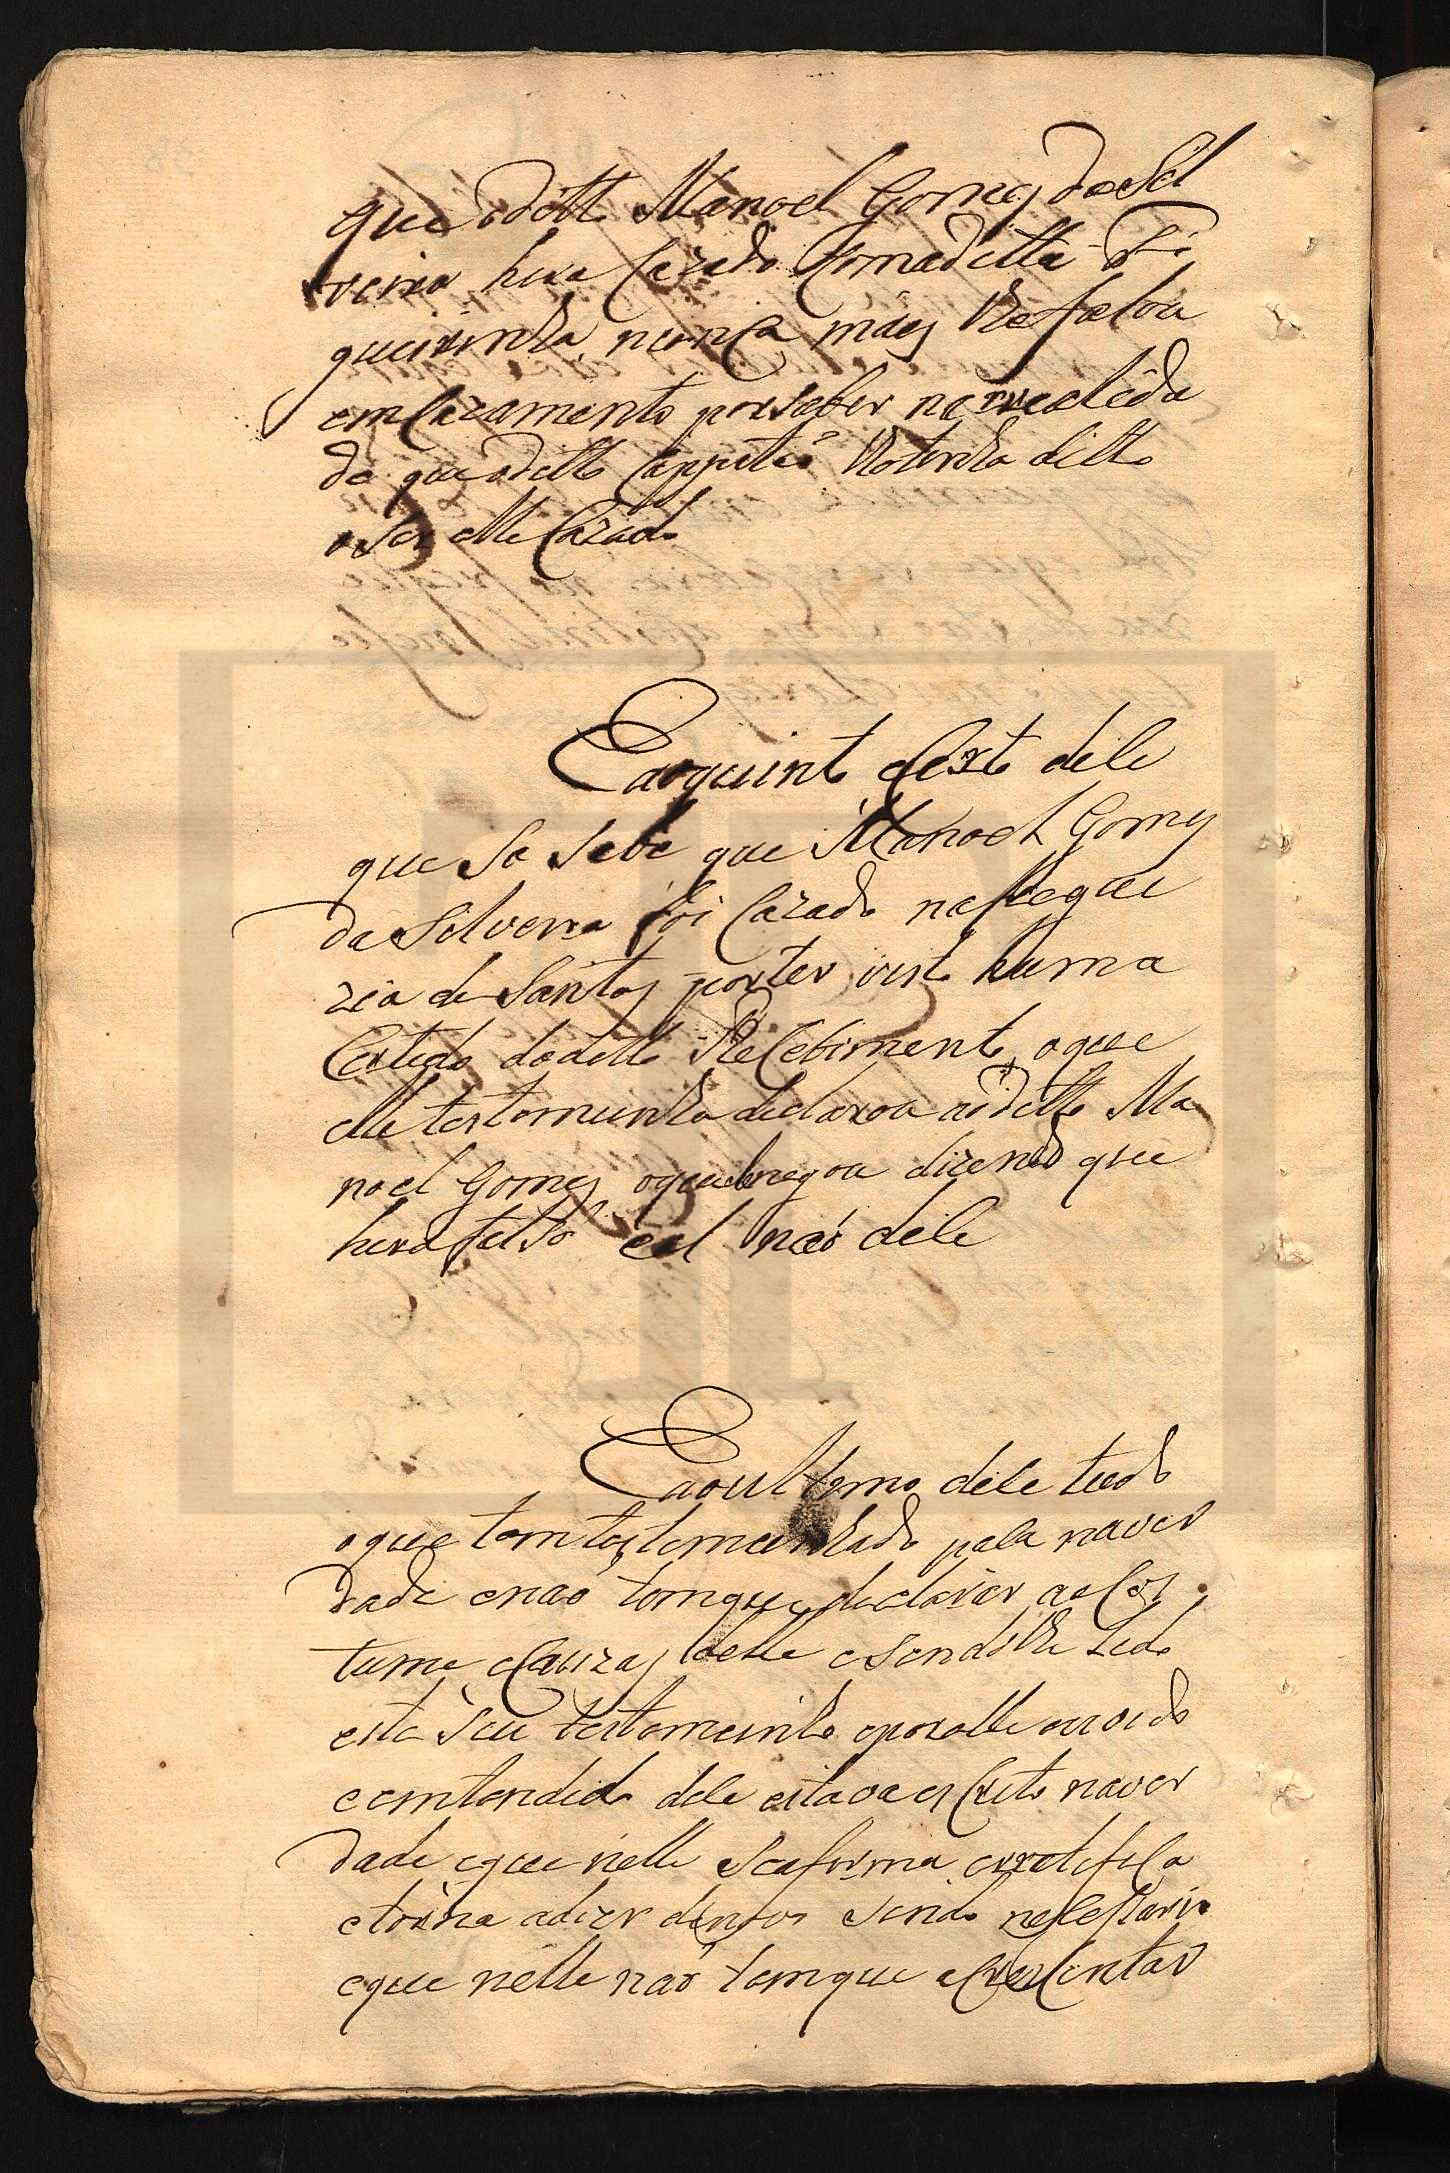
que o ditto Manoel Gomes da Sel
veira hera Cazado com a ditta Fi
gueixinha nunCa mais lhe falou
em Cazamento por saber na realida
de que o ditto Cappetaõ lho tinha ditto
o ser elle Cazado
E ao quinto, e sexto diCe
que se sabe, que Manoel Gomes
da Silveira foi Cazado na fregue
zia de Santos por ter visto huma
Certido do ditto ReCebimento, o que
elle testemunha declarou ao ditto Ma
noel Gomes o que obregou dizedo que
hera falso e al naõ dice
E ao ultimo dice tudo
o que tem testemunhado paÇa na ver
dade e naõ tem que declarar ao Cos
tume, e Cauzas delle e sendolhe Lido
este seu testemunho e por elle ouvido
e emtendido diCe estava esCrito na ver
dade, e que nelle se afirma, e rratefiCa
e torna a dizer e novo sendo neCessario
e que nelle naõ tem que aCresCentar
